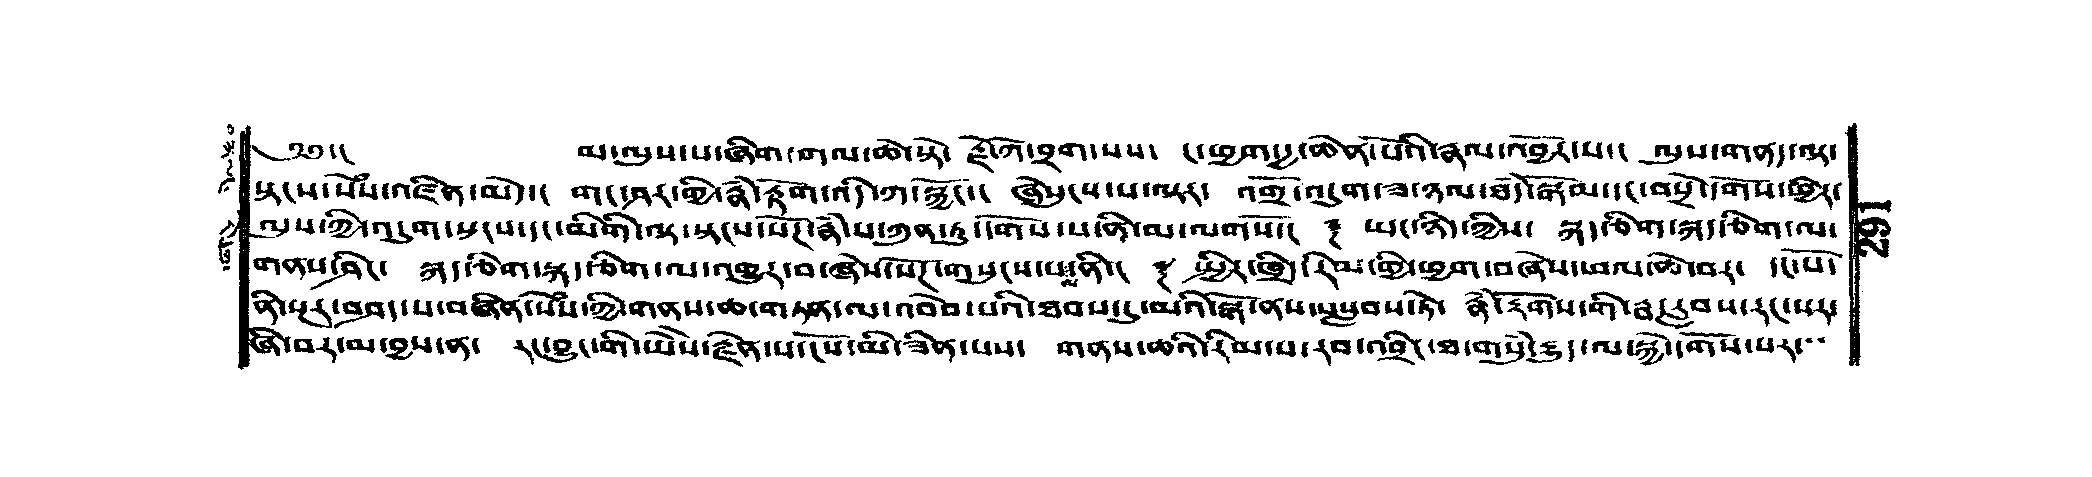མ་ལུས་པ་ཞིག་གལ་ཆེ་སྟེ། རྗེ་ཀོ་བྲག་པས། ང་ཕྱག་རྒྱ་ཆེན་པོའི་རྣལ་འབྱོར་པ། །ལུས་གནད་ལྟ་
སྟངས་སེམས་འཛིན་མེད། །གང་ཤར་གྱི་རྣམ་རྟོག་འདི་ཀ་སྐྱོང་། ཞེས་གསུངས་པ་ལྟར། འགྲོ་འདུག་ཟ་ཉལ་ཐམས་ཅད་སྒོམ་དང་བསྲེ་དགོས་ཕྱིར། 
ལུས་ཀྱི་འདུག་སྟངས་དང་མིག་གི་ལྟ་སྟངས་སོགས་རྣམ་པ་ཀུན་ཏུ་དགོས་པ་ནི་མ་ལགས་སོ། ༈ ཡང་ཉིད་ཀྱིས། །སྐད་ཅིག་སྐད་ཅིག་ལ་
གནས་ཤིང་། སྐད་ཅིག་སྐད་ཅིག་ལ་འགྱུར་བ། ཞེས་སོགས་གསུངས་པ་ལ་ནི། སྤྱིར་ཁྲིད་རིམ་གྱི་ཕྱག་བཞེས་ཕལ་ཆེ་བར། དང་པོ་
ནི་སྔར་བཤད་པ་བཞིན་སེམས་ཀྱི་གནས་ཆ་གཏན་ལ་འབེབ་པའི་ཐབས་དུ་མའི་སྒོ་ནས་བསླབས་ཏེ། རྣམ་རྟོག་གི་རྦ་རླབས་རང་སར་
ཞི་བར་མ་བྱས་ན། རང་བྱུང་གི་ཡེ་ཤེས་རྗེན་པ་ངོས་མི་ཟིན་པས། གནས་ཆའི་རིམ་པ་རབ་འབྲིང་ཐ་གསུམ་རྒྱུད་ལ་སྐྱེ་དགོས་པར་